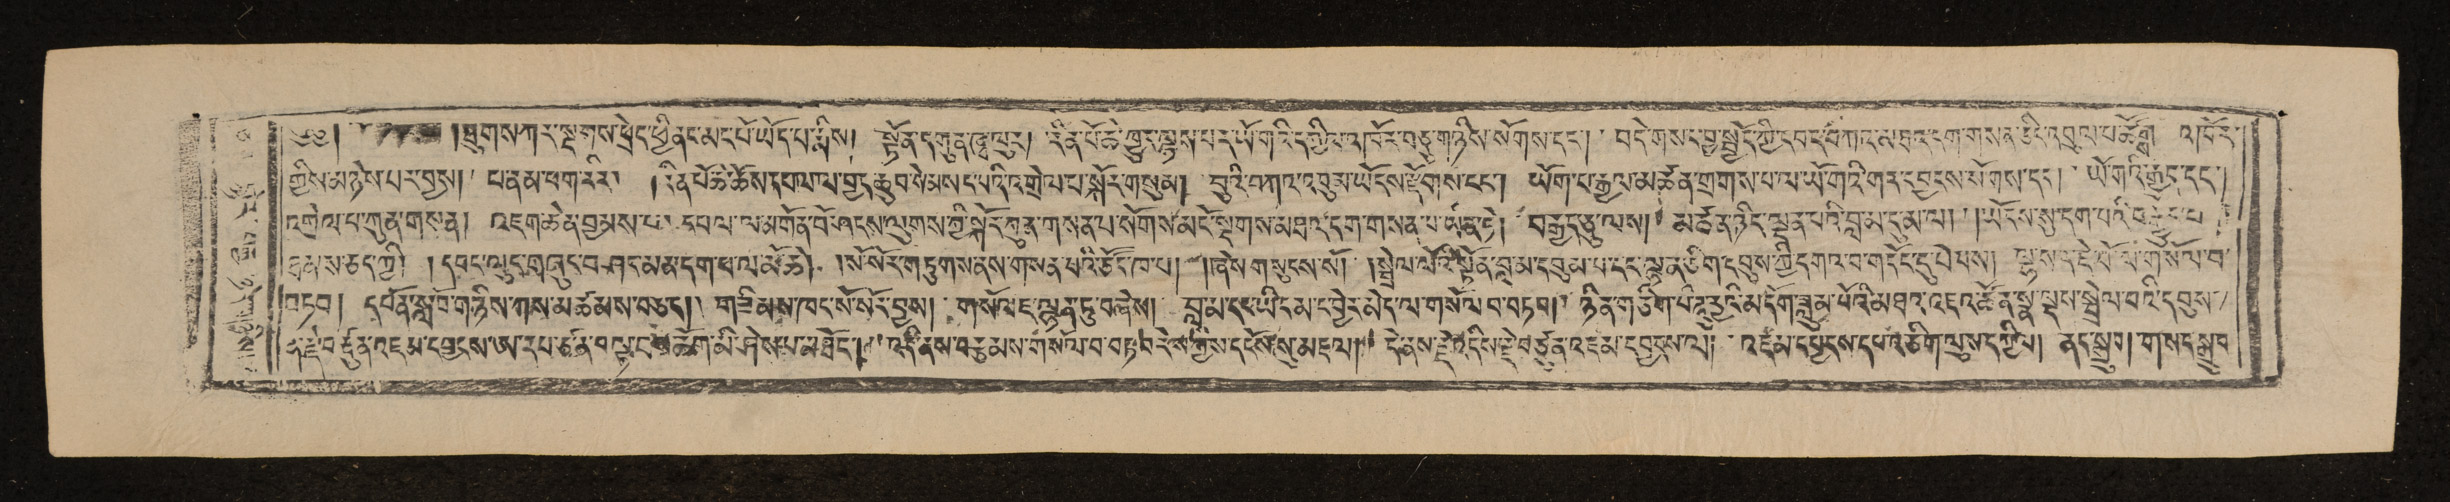༄༅། །ཐུགས་ཀར་སྔགས་ཕྲེང་ཕྱི་ནང་མང་པོ་ཡོད་པ་རྨིས། སྟོན་དགུན་ཞྭ་ལུར། རིན་པོ་ཆེ་ཁྱུང་ལྷས་བར་ཡོ་གའི་དཀྱིལ་འཁོར་བཅུ་གཉིས་སོགས་དང་། བདེ་གསང་བྱ་སྤྱོད་ཀྱི་དབང་བཀའ་མཐའ་དག་གསན་ཅིང་འབུལ་བ་ཚོགས་འཁོར་
གྱིས་མཉེས་པར་བྱས། པ་ནམ་ཕག་རིར། རིན་པོ་ཆེ་ཆོས་དཔལ་ལ་བྱང་ཆུབ་སེམས་དཔའི་འགྲེལ་པ་སྐོར་གསུམ། བུའི་བཀའ་འབུམ་ཡོངས་རྫོགས་དང་། ཡོག་པ་རྒྱལ་མཚན་གྲགས་པ་ལ་ཡོ་གའི་གར་དབྱངས་སོགས་དང་། ཡོ་གའི་རྒྱུད་དང་
འགྲེལ་པ་ཀུན་གསན། འཇག་ཆེན་བྱམས་པ་དཔལ་ལ་མགོན་པོ་ཤངས་ལུགས་ཀྱི་སྐོར་ཀུན་གསན་པ་སོགས་མདོ་སྔགས་མཐའ་དག་གསན་པ་ཡིན་ཏེ། བརྒྱད་ཅུ་ལས། མཚན་ཉིད་ལྡན་པའི་བླ་མ་དུ་མ་ལ། །ཡོངས་སུ་དག་པའི་བརྒྱུད་པ་
ཐམས་ཅད་ཀྱི། །དབང་ལུང་གཞུང་བཤད་མན་ངག་ཕལ་མོ་ཆེ། །སོ་སོར་གཏུགས་ནས་གསན་བའི་ཙོང་ཁ་པ། །ཞེས་གསུངས་སོ། །སྤྲེལ་ལོའི་སྟོན་བླ་མ་དབུ་མ་པ་དང་ལྷན་ཅིག་དབུས་ཀྱི་དགའ་བ་གདོང་དུ་ཕེབས། ལྷ་སར་ཇོ་བོ་ལ་གསོལ་བ་
བཏབ། དཔོན་སློབ་གཉིས་ཀས་མཚམས་བཅད། གཟིམས་ཁང་སོ་སོར་བྱས། གསོལ་ཇ་ལྷན་ཏུ་བཞེས། བླ་མ་དང་ཡི་དམ་དབྱེར་མེད་ལ་གསོལ་བ་བཏབ། ཉིན་གཅིག་བཻ་ཌཱུརྱའི་མདོག་ཟླུམ་པོའི་མཐའ་འཇའ་ཚོན་སྣ་ལྔས་སྦྲེལ་པའི་དབུས་
ན་རྗེ་བཙུན་འཇམ་དབྱངས་ཨ་ར་པ་ཙ་ན་བལྟ་བས་ཆོག་མི་ཤེས་པ་མཐོང་། འདི་ནས་བརྩམས་གསོལ་བ་བཏབ་རེས་ཀྱིས་དངོས་སུ་མཇལ། དེ་ནས་རྗེ་འདིས་རྗེ་བཙུན་འཇམ་དབྱངས་ལ། འཇམ་དབྱངས་དཔའ་ཅིག་ལུས་དཀྱིལ། ནང་སྒྲུབ། གསང་སྒྲུབ།